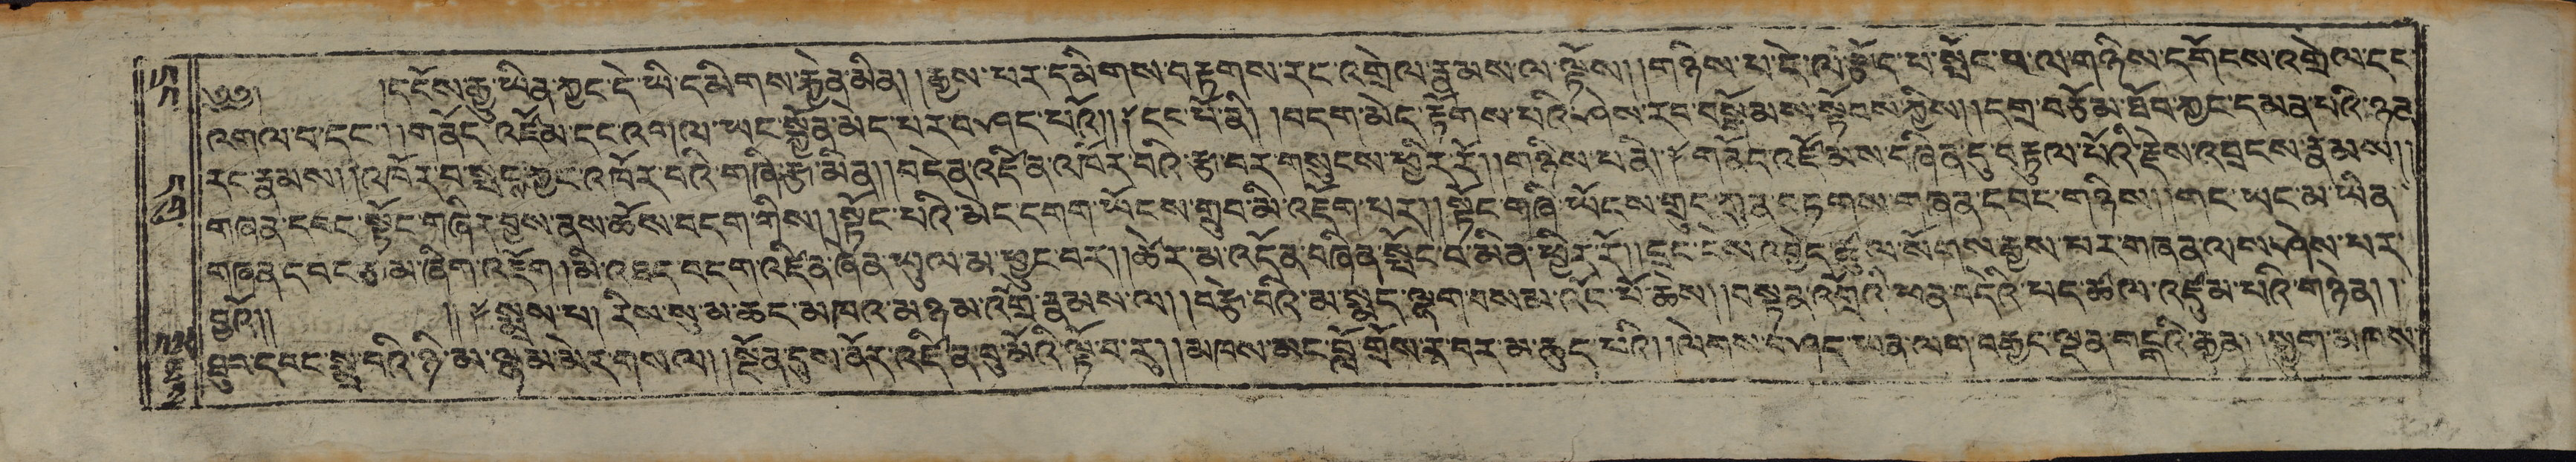༄༅། །དངོས་རྒྱུ་ཡིན་ཀྱང་དེ་ཡི་དམིགས་རྐྱེན་མིན། །རྒྱས་པར་དམིགས་བརྟགས་རང་འགྲེལ་རྣམས་ལ་ལྟོས། །གཉིས་པ་དེ་ལ་རྩོད་པ་སྤོང་བ་ལ་གཉིས་དགོངས་འགྲེལ་དང་
འགལ་བ་དང་། །གནོད་འཇོམས་དང་འགལ་ཡང་སྐྱོན་མེད་པར་བཤད་པའོ། ༈ །དང་པོ་ནི། །བདག་མེད་རྟོགས་པའི་ཤེས་རབ་བསྒོམས་སྟོབས་ཀྱིས། །དགྲ་བཅོམ་ཐོབ་ཀྱང་དམན་པའི་ཉན་
རང་རྣམས། །འཁོར་བ་སྤངས་ཀྱང་འཁོར་བའི་གཞི་རྩ་མིན། །བདེན་འཛིན་འཁོར་བའི་རྩ་བར་གསུངས་ཕྱིར་རོ། །གཉིས་པ་ནི། ༈ །གནོད་འཇོམས་བཞིན་དུ་བརྟུལ་པོའི་རྗེས་འབྲངས་རྣམས། །
གཞན་དབང་སྟོང་གཞིར་བྱས་ནས་ཆོས་བདག་གིས། །སྟོང་པའི་མེད་དགག་ཡོངས་གྲུབ་མི་འཇོག་པར། །སྟོང་གཞི་ཡོངས་གྲུབ་ཀུན་བཏགས་གཞན་དབང་གཉིས། །གང་ཡང་མ་ཡིན་
གཞན་དབང་ཙམ་ཞིག་འཇོག །མི་འཐད་བདག་འཛིན་ཞེན་ཡུལ་མ་ཕྱུང་བར། །ཚེར་མ་འདོན་བཞིན་སྤོང་བ་མིན་ཕྱིར་རོ། །དྲང་ངེས་འབྱེད་ཚུལ་སོགས་རྒྱས་པར་གཞན་ལས་ཤེས་པར་
བྱའོ།། ༈ །།སྨྲས་པ། རིས་སུ་མ་ཆད་མཁའ་མཉམ་འགྲོ་རྣམས་ལ། །བརྩེ་བའི་མ་སྨད་ལྷག་བསམ་འོད་པོ་ཆེས། །བསྟན་འགྲོའི་ཕན་བདེའི་པད་ཚལ་འཛུམ་པའི་གཉེན། །
ཐུབ་དབང་སྨྲ་བའི་ཉི་མ་ལྷམ་མེར་གསལ། །སྔོན་དུས་ནོར་འཛིན་བུ་མོའི་ལྟོ་བ་རུ། །མཁས་མང་བློ་གྲོས་ར་བར་མ་ཆུད་པའི། །ལེགས་བཤད་ཡན་ལག་བརྒྱད་ལྡན་གངྒའི་རྒྱུན། །སྐྱུག་མཁས་